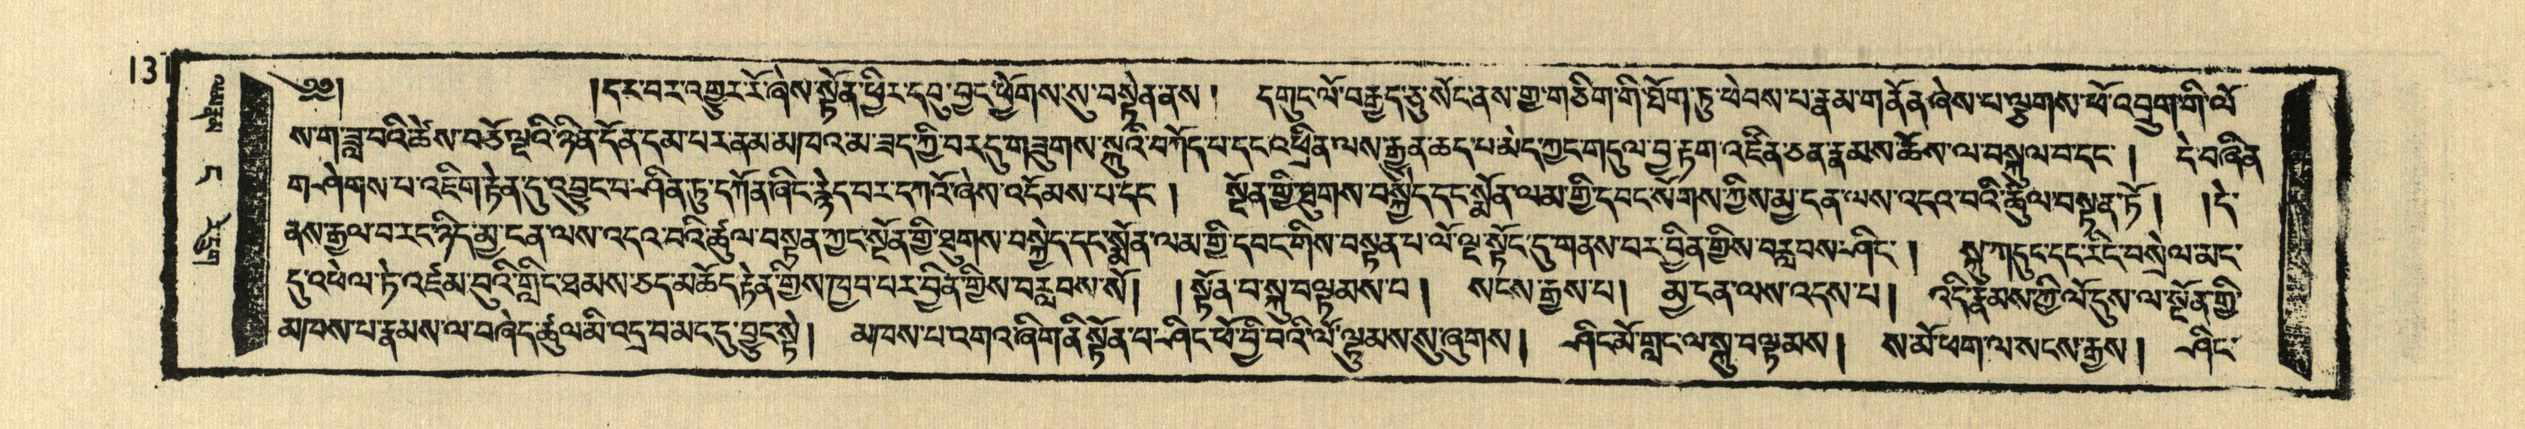༄༅། །དང་བར་འགྱུར་རོ་ཞེས་སྟོན་ཕྱིར་དབུ་བྱང་ཕྱོགས་སུ་བསྟེན་ནས། དགུང་ལོ་བརྒྱད་ཅུ་སོང་ནས་གྱ་གཅིག་གི་ཐོག་ཏུ་ཕེབས་པ་རྣམ་གནོན་ཞེས་པ་ལྕགས་ཕོ་འབྲུག་གི་ལོ་
ས་ག་ཟླ་བའི་ཚེས་བཅོ་ལྔའི་ཉིན་དོན་དམ་པར་ནམ་མཁའ་མ་ཟད་ཀྱི་བར་དུ་གཟུགས་སྐུའི་བཀོད་པ་དང་འཕྲིན་ལས་རྒྱུན་ཆད་པ་མེད་ཀྱང་གདུལ་བྱ་རྟག་འཛིན་ཅན་རྣམས་ཆོས་ལ་བསྐུལ་བ་དང་། དེ་བཞིན་
གཤེགས་པ་འཇིག་རྟེན་དུ་འབྱུང་བ་ཤིན་ཏུ་དཀོན་ཞིང་རྙེད་པར་དཀའོ་ཞེས་འདོམས་པ་དང་། སྔོན་གྱི་ཐུགས་བསྐྱེད་དང་སྨོན་ལམ་གྱི་དབང་སོགས་ཀྱིས་མྱ་ངན་ལས་འདའ་བའི་ཚུལ་བསྟན་ཏོ། །དེ་
ནས་རྒྱལ་བ་རང་ཉིད་མྱ་ངན་ལས་འདའ་བའི་ཚུལ་བསྟན་ཀྱང་སྔོན་གྱི་ཐུགས་བསྐྱེད་དང་སྨོན་ལམ་གྱི་དབང་གིས་བསྟན་པ་ལོ་ལྔ་སྟོང་དུ་གནས་བར་བྱིན་གྱིས་བརླབས་ཤིང་། སྐུ་གདུང་དང་རིང་བསྲེལ་མང་
དུ་འཕེལ་ཏེ་འཛམ་བུའི་གླིང་ཐམས་ཅད་མཆོད་རྟེན་གྱིས་ཁྱབ་པར་བྱིན་གྱིས་བརླབས་སོ། །སྟོན་བ་སྐུ་བལྟམས་པ། སངས་རྒྱས་པ། མྱ་ངན་ལས་འདས་པ། འདི་རྣམས་ཀྱི་ལོ་དུས་ལ་སྔོན་གྱི་
མཁས་པ་རྣམས་ལ་བཞེད་ཚུལ་མི་འདྲ་བ་མང་དུ་བྱུང་སྟེ། མཁས་པ་འགའ་ཞིག་ནི་སྟོན་པ་ཤིང་ཕོ་བྱི་བའི་ལོ་ལྷུམས་སུ་ཞུགས། ཤིང་མོ་གླང་ལ་སྐུ་བལྟམས། ས་མོ་ཕག་ལ་སངས་རྒྱས། ཤིང་